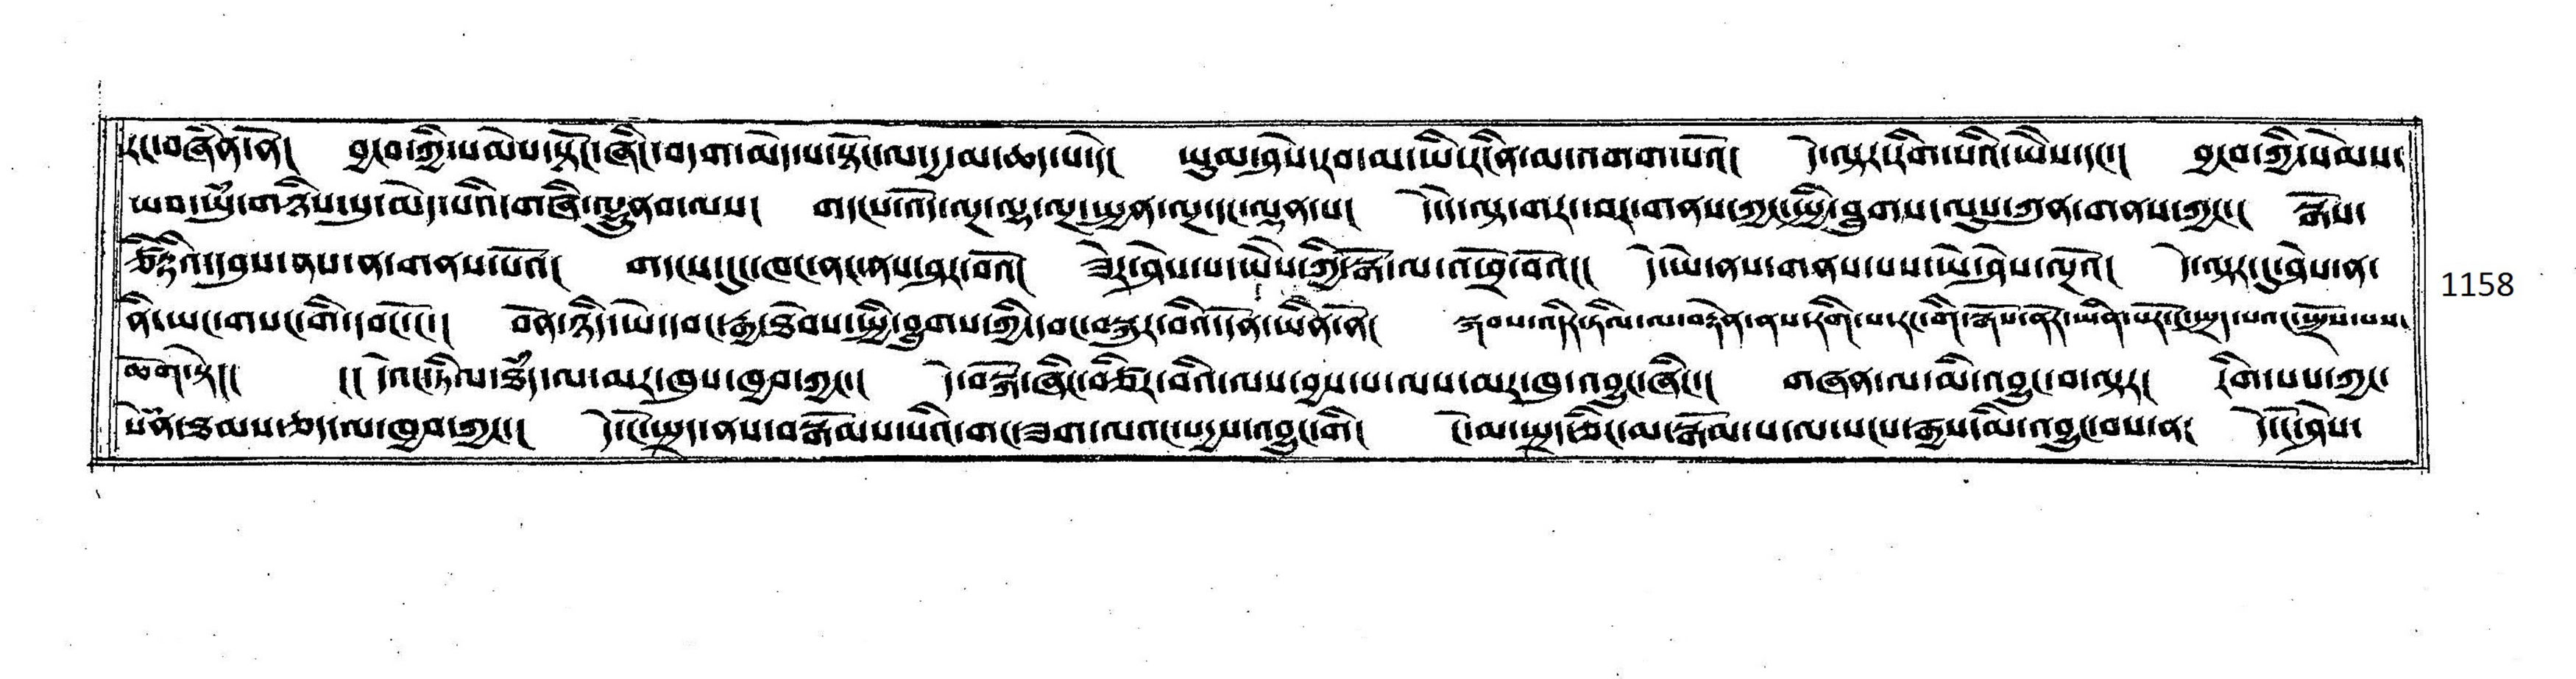རང་བཞིན་ནོ། བྱང་ཆུབ་ཀྱི་སེམས་སྟོང་ཞིང་བདག་མེད་པ་སྟོང་ལ་རྒྱ་མ་ཆད་པ་དེ། ཡུམ་ཤེས་རབ་མ་ཡི་རང་བཞིན་མ་འགག་པའོ། དེ་ལྟར་རིག་པའི་ཡེ་ཤེས་དང་། བྱང་ཆུབ་ཀྱི་སེམས་
ཡབ་ཡུམ་གཉིས་སུ་མེད་པའི་གཞི་ལྷུན་གྲུབ་ལས། གདངས་འོད་ལྔ་ལྷ་ལྔ་སྤྱན་ལྔ་དང་ལྡན་པ། དེ་དེ་ལྟ་གར་བར་གནས་ཀྱང་སྤྱི་བླུགས་ལུས་ཀུན་གནས་ཀྱང་། སྒོས་
ཙིཏྟའི་དབུས་ན་གནས་པའོ། གདངས་དུང་ཁང་ནང་ནས་ཤར་བའོ། ཟེར་ཤེས་པ་ཡེ་ཤེས་ཀྱི་སྒོ་ལ་འཕྲོ་བའོ།། དེ་ཡེ་ནས་གནས་པས་ཡེ་ཤེས་ལྔའོ། དེ་ལྟར་དུ་ཤེས་ན་
ནི་ཡང་གསང་གི་དབང་ངོ་། བོན་ཉིད་ཡེ་དབང་རྒྱ་ཐེབས་སྤྱི་བླུགས་ཀྱི་དབང་བསྐུར་བའི་དོན་ཡིན་ནོ། སྐབས་འདིར་ཏིལ་ལ་བརྟེན་ནས་རིག་པ་རང་གི་སྒོས་ནོར་ཡིན་པར་ངོ་སྤྲད་པའང་སྤྲོས་པས་
ཆོག་སྟེ།། །།དེའང་ཏིལ་ཐམས་ཅད་ལ་མར་ཁུས་ཁྱབ་ཀྱང་། དེ་བསྐོ་ཞིང་བཙིར་བའི་ལས་བྱས་པ་ལས་མར་ཁུ་འབྱུང་ཞིང་། གཞན་ལ་མི་འབྱུང་བ་ལྟར། རིག་པས་ཀྱང་
སེམས་ཅན་ཐམས་ཅད་ལ་ཁྱབ་ཀྱང་། དེ་ངོ་སྤྲད་ནས་བསྒོམས་པའི་གང་ཟག་ལའང་སངས་རྒྱས་འབྱུང་གི། ངོ་མ་སྤྲད་ཅིང་མ་སྒོམ་པ་ལ་སངས་རྒྱས་མི་འབྱུང་བས་ན། དེ་ངོ་ཤེས་